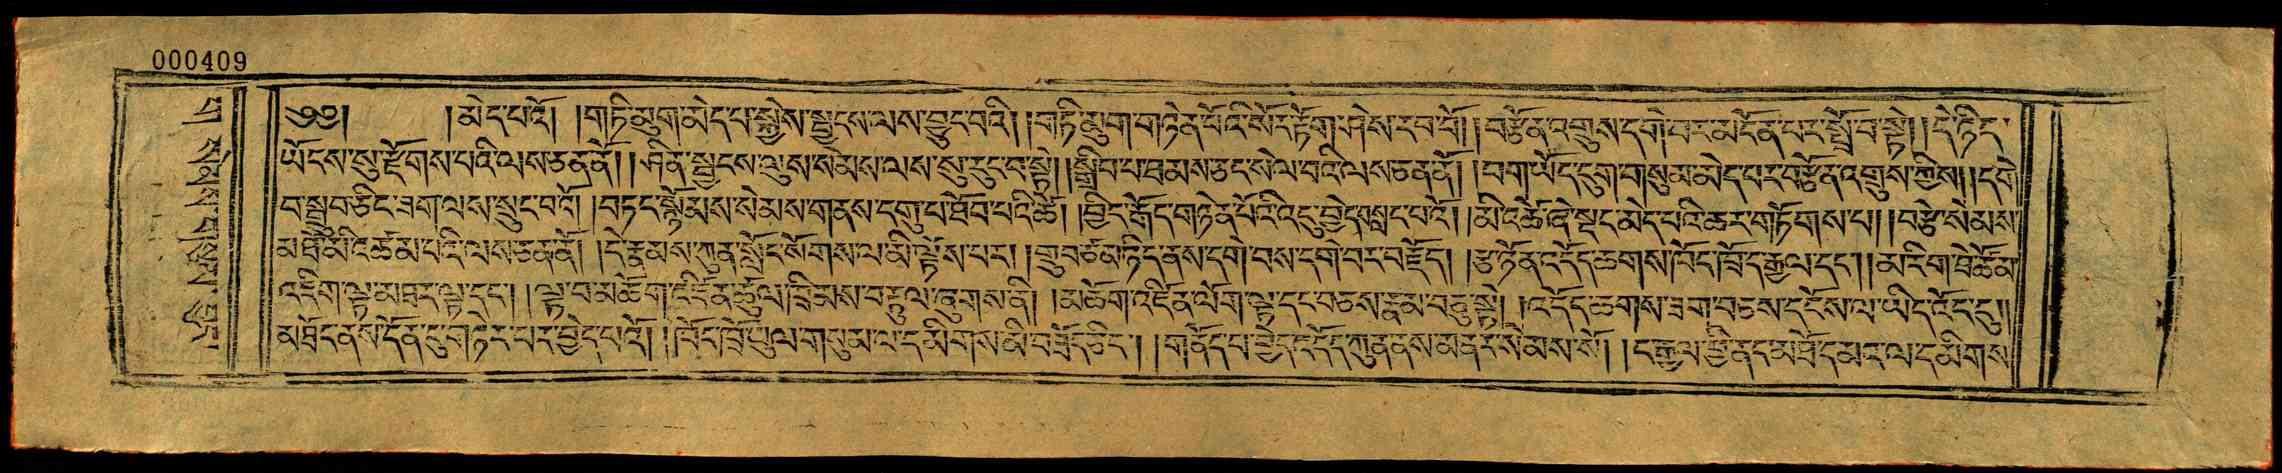༄༅། །མེད་པའོ། །གཏི་མུག་མེད་པ་སྐྱེས་སྦྱངས་ལས་བྱུང་བའི། །གཏི་མུག་གཉེན་པོའི་སོར་རྟོག་ཤེས་རབ་བོ། །བརྩོན་འགྲུས་དགེ་བར་མངོན་པར་སྤྲོ་བ་སྟེ། །དེ་ཉིད་
ཡོངས་སུ་རྫོགས་པའི་ལས་ཅན་ནོ། །ཤིན་སྦྱངས་ལུས་སེམས་ལས་སུ་རུང་བ་སྟེ། །སྒྲིབ་པ་ཐམས་ཅད་སོལ་བའི་ལས་ཅན་ནོ། །བག་ཡོད་དུག་གསུམ་མེད་པར་བརྩོན་འགྲུས་ཀྱིས། །དགེ་
བ་སྒྲུབ་ཅིང་ཟག་ལས་སྲུང་པའོ། །བཏང་སྙོམས་སེམས་གནས་དགུ་པ་ཐོབ་པའི་ཚེ། །བྱིང་རྒོད་གཉེན་པོའི་འདུ་བྱེད་བསླང་པའོ། །མི་འཚེ་ཞེ་སྡང་མེད་པའི་ཆར་གཏོགས་པ། །བརྩེ་སེམས་
མཐོ་མི་འཚམ་པའི་ལས་ཅན་ནོ། །དེ་རྣམས་ཀུན་སློང་སོགས་ལ་མི་ལྟོས་པར། །གྲུབ་ཙམ་ཉིད་ནས་དགེ་བས་དགེ་བར་བརྗོད། །རྩ་ཉོན་འདོད་ཆགས་ཁོང་ཁྲོ་ང་རྒྱལ་དང་། །མ་རིག་ཐེ་ཚོམ་
འཇིག་ལྟ་མཐར་ལྟ་དང་། །ལྟ་བ་མཆོག་འཛིན་ཚུལ་ཁྲིམས་བརྟུལ་ཞུགས་ནི། །མཆོག་འཛིན་ལོག་ལྟ་དང་བཅས་རྣམ་བཅུ་སྟེ། །འདོད་ཆགས་ཟག་བཅས་དངོས་ལ་ཡིད་འོང་དུ། །
མཐོང་ནས་དོན་དུ་གཉེར་བར་བྱེད་པའོ། །ཁོང་ཁྲོ་ཡུལ་གསུམ་ལ་དམིགས་མི་བཟོད་ཅིང་། །གནོད་པ་བྱེད་འདོད་ཀུན་ནས་མནར་སེམས་སོ། །ང་རྒྱལ་ཕྱི་ནང་མཐོ་དམའ་ལ་དམིགས་